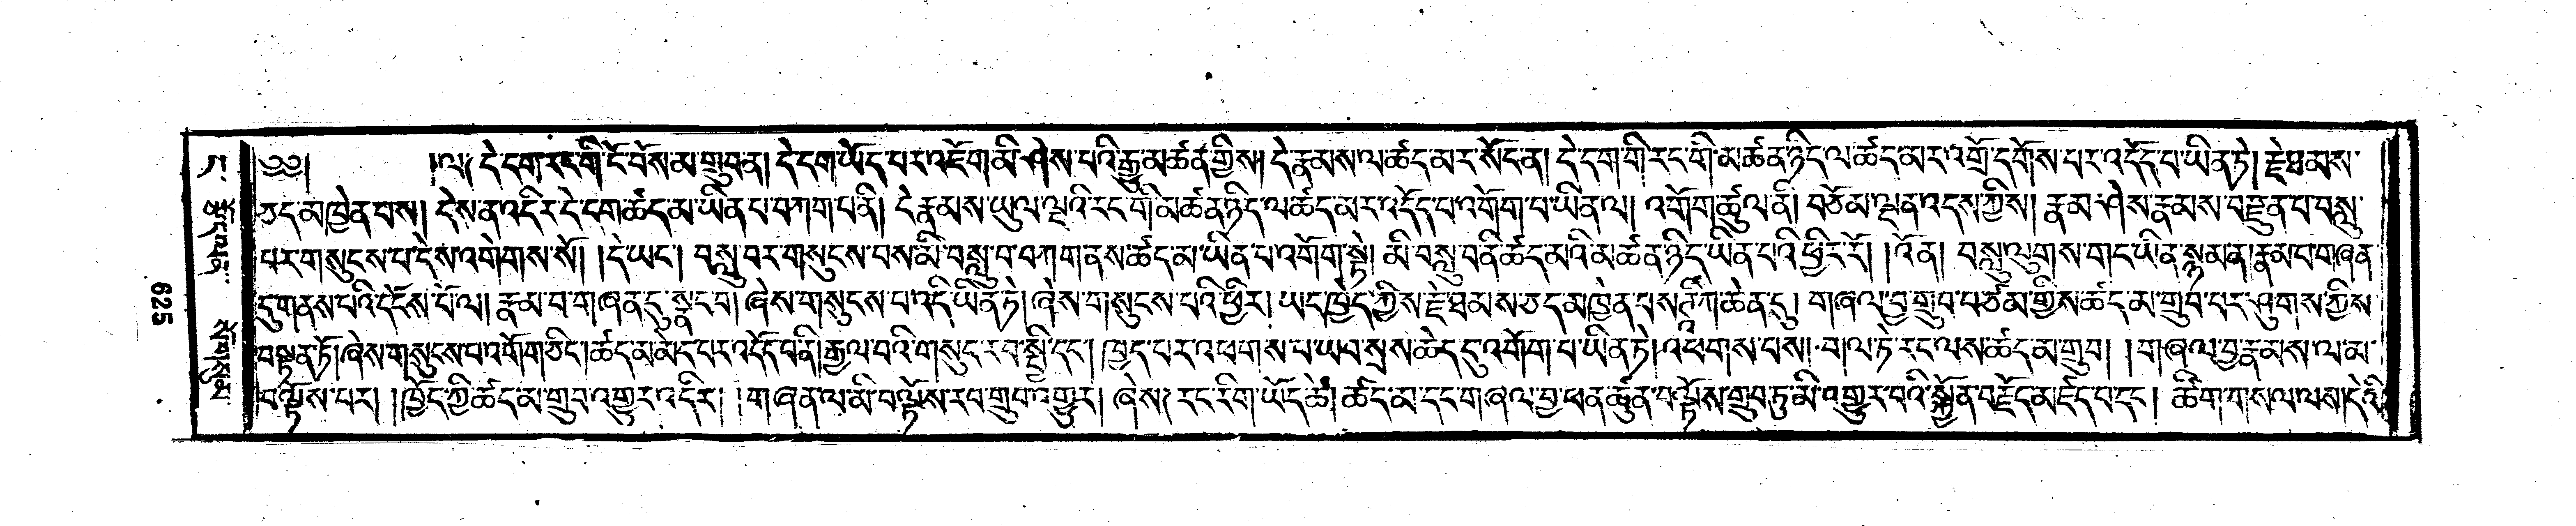༄༅། །ལ༑ དེ་དག་རང་གི་ངོ་བོས་མ་གྲུབ་ན། དེ་དག་ཡོད་པར་འཇོག་མི་ཤེས་པའི་རྒྱུ་མཚན་གྱིས། དེ་རྣམས་ལ་ཚད་མར་སོང་ན། དེ་དག་གི་རང་གི་མཚན་ཉིད་ལ་ཚད་མར་འགྲོ་དགོས་པར་འདོད་པ་ཡིན་ཏེ། རྗེ་ཐམས་
ཅད་མཁྱེན་པས། དེས་ན་འདིར་དེ་དག་ཚད་མ་ཡིན་པ་བཀག་པ་ནི། དེ་རྣམས་ཡུལ་ལྔའི་རང་གི་མཚན་ཉིད་ལ་ཚད་མར་འདོད་པ་འགོག་པ་ཡིན་ལ། འགོག་ཚུལ་ནི། བཅོམ་ལྡན་འདས་ཀྱིས། རྣམ་ཤེས་རྣམས་བརྫུན་པ་བསླུ་
བར་གསུངས་པ་དེས་འགོགས་སོ། །དེ་ཡང་། བསླུ་བར་གསུངས་པས་མི་བསླུ་བ་བཀག་ནས་ཚད་མ་ཡིན་པ་འགོག་སྟེ། མི་བསླུ་བ་ནི་ཚད་མའི་མཚན་ཉིད་ཡིན་པའི་ཕྱིར་རོ། །འོ་ན། བསླུ་ལུགས་གང་ཡིན་སྙམ་ན། རྣམ་པ་གཞན་
དུ་གནས་པའི་དངོས་པོ་ལ། རྣམ་པ་གཞན་དུ་སྣང་བ། ཞེས་གསུངས་པ་འདི་ཡིན་ཏེ། ཞེས་གསུངས་པའི་ཕྱིར། ཡང་ཁྱེད་ཀྱིས་རྗེ་ཐམས་ཅད་མཁྱེན་པས་ཊཱིཀ་ཆེན་དུ། གཞལ་བྱ་གྲུབ་པ་ཙམ་གྱིས་ཚད་མ་གྲུབ་པར་ཤུགས་ཀྱིས་
བསྟན་ཏོ། ཞེས་གསུངས་པ་འགོག་ཅིང་། ཚད་མ་མེད་པར་འདོད་པ་ནི། རྒྱལ་བའི་གསུང་རབ་སྤྱི་དང་། ཁྱད་པར་འཕགས་པ་ཡབ་སྲས་ཆེད་དུ་འགོག་པ་ཡིན་ཏེ། འཕགས་པས། གལ་ཏེ་རང་ལས་ཚད་མ་གྲུབ། །གཞལ་བྱ་རྣམས་ལ་མ་
བལྟོས་པར། །ཁྱོད་ཀྱི་ཚད་མ་གྲུབ་འགྱུར་འདིར། །གཞན་ལ་མི་བལྟོས་རབ་གྲུབ་འགྱུར། ཞེས༑ རང་རིག་ཡོད་ཚེ། ཚད་མ་དང་གཞལ་བྱ་ཕན་ཚུན་བལྟོས་གྲུབ་ཏུ་མི་འགྱུར་བའི་སྐྱོན་བརྗོད་མཛད་པ་དང་། ཚིག་གསལ་ལས། དེའི་